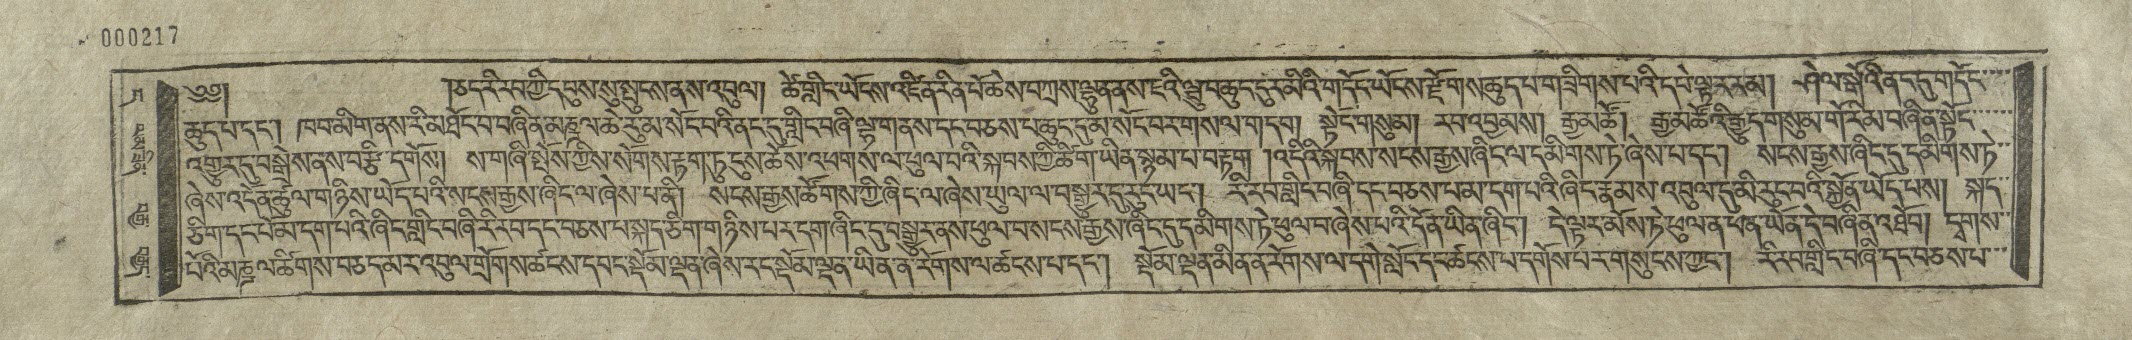༄༅། །ཅད་རི་རབ་ཀྱི་དབུས་སུ་སྤུངས་ནས་འབུལ། ཚེ་གླིང་ཡོངས་འཛིན་རིན་པོ་ཆེས་བཀྲས་ལྷུན་ནས་ཇའི་ལྦུ་བ་ཆུང་ངུར་མིའི་གདོང་ཡོངས་རྫོགས་ཆུད་པ་གཟིགས་པའི་དཔེ་ལྟར་རམ། ཤེལ་སྒོའི་ནང་དུ་གདོང་
ཆུད་པ་དང་། ཁབ་མིག་ནས་རི་མཐོང་བ་བཞིན་མཎྜལ་ཆེ་རུ་མ་སོང་བའི་ནང་དུ་གླིང་བཞི་ལྷ་གནས་དང་བཅས་པ་ཆུང་དུ་མ་སོང་བར་གསལ་གདབ། སྟོང་གསུམ། རབ་འབྱམས། རྒྱ་མཚོ། རྒྱ་མཚོའི་རྒྱུད་གསུམ་གོ་རིམ་བཞིན་སྟོང་
འགྱུར་དུ་བསྒྲེས་ནས་བརྩི་དགོས། ས་གཞི་སྤོས་ཀྱིས་སོགས་རྟག་ཏུ་ངུས་ཆོས་འཕགས་ལ་ཕུལ་བའི་སྐབས་ཀྱི་ཚིག་ཡིན་སྙམ་པ་བརྟག་འདིའི་སྐབས་སངས་རྒྱས་ཞིང་ལ་དམིགས་ཏེ་ཞེས་པ་དང་། སངས་རྒྱས་ཞིང་དུ་དམིགས་ཏེ་
ཞེས་འདོན་ཚུལ་གཉིས་ཡོད་པའི་སངས་རྒྱས་ཞིང་ལ་ཞེས་པ་ནི། སངས་རྒྱས་ཚོགས་ཀྱི་ཞིང་ལ་ཞེས་ཡུལ་ལ་བསྒྱུར་དུ་རུང་ཡང་། རི་རབ་གླིང་བཞི་དང་བཅས་པ་མ་དག་པའི་ཞིང་རྣམས་འབུལ་དུ་མི་རུང་བའི་སྐྱོན་ཡོད་པས། སྐད་
ཅིག་དང་པོ་མ་དག་པའི་ཞིང་གླིང་བཞི་རི་རབ་དང་བཅས་པ་སྐད་ཅིག་གཉིས་པར་དག་ཞིང་དུ་བསྒྱུར་ནས་ཕུལ་བ་སངས་རྒྱས་ཞིང་དུ་དམིགས་ཏེ་ཕུལ་བ་ཞེས་པའི་དོན་ཡིན་ཞིང་། དེ་ལྟར་མོས་ཏེ་ཕུལ་ན་ཕན་ཡོན་དེ་བཞིན་འཐོབ། དྭགས་
པོའི་མཎྜལ་ཚིགས་བཅད་མར་འབུལ་གྲོགས་ཚངས་དབང་སྡོམ་ལྡན་ཞེས་རང་སྡོམ་ལྡན་ཡིན་ན་རོགས་ལ་ཚངས་པ་དང་། སྡོམ་ལྡན་མིན་ན་རོགས་ལ་དགེ་སློང་དང་ཚངས་པ་དགོས་པར་གསུངས་ཀྱང་། རི་རབ་གླིང་བཞི་དང་བཅས་པ་